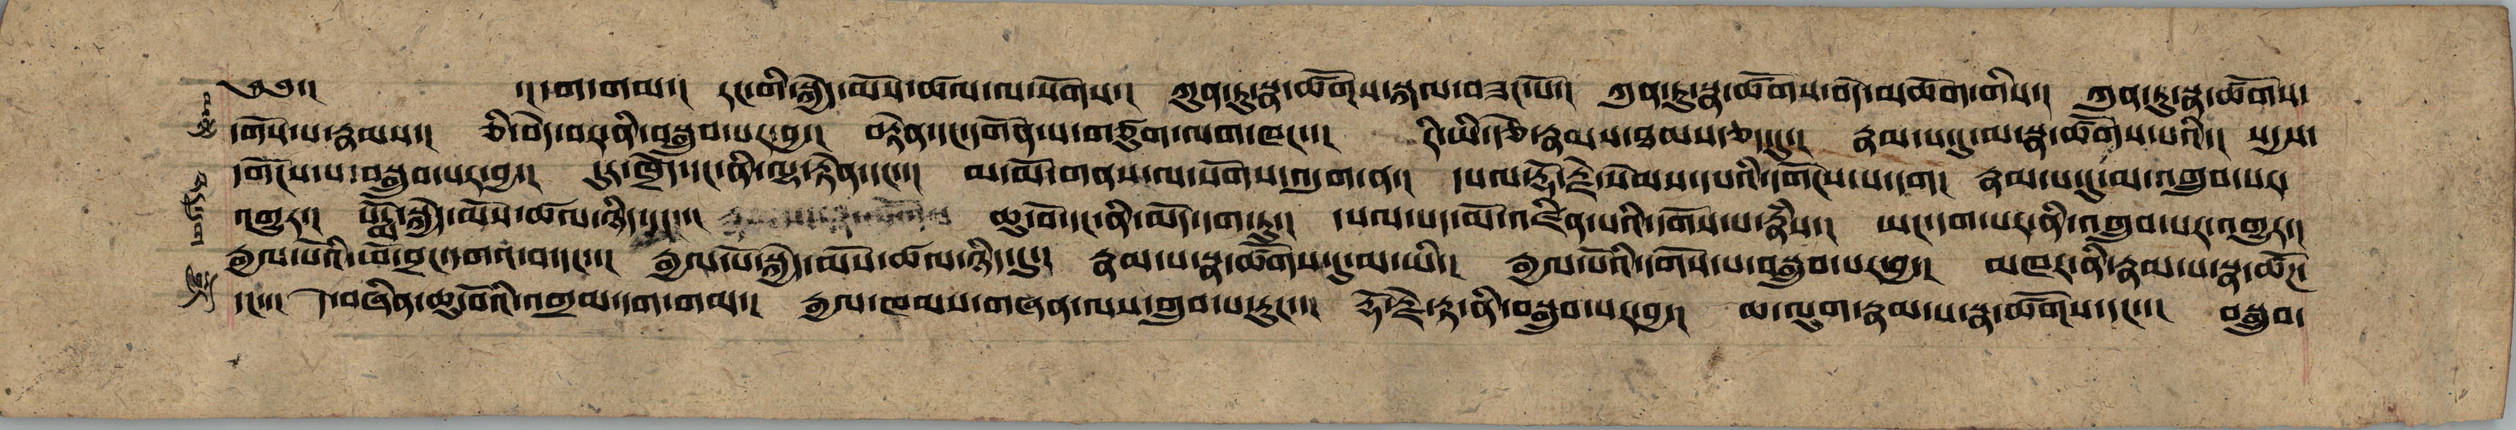༄༅་། ་།དག་གམ་། རང་གི་སྐྱེད་མོས་ཚལ་ལ་སོགས་། ཀུན་ཏུ་སྣ་ཚོགས་སྐལ་བཟང་པོ་། ཀུན་ཏུ་སྣ་ཚོགས་བདེ་མཆོག་གིས་། ཀུན་ཏུ་སྣ་ཚོགས་
དགོས་པ་རྣམས་། ཅི་བདེ་བར་ནི་བསྒྲུབ་པར་བྱ་། བརྟེན་དང་དགོན་པ་གཙུག་ལག་ཁང་་། རི་ཡི་རྩེ་རྣམས་ཐམས་ཅད་དུ་། རྣམ་པ་དུ་མ་སྣ་ཚོགས་པའི་། སདྱས་
དགོངས་པ་བསྒྲུབ་པར་བྱ་། དུར་ཁྲོད་དང་ནི་ལྷ་རྟེན་དང་་། མ་མོ་གནས་ལ་སོགས་འདུག་ན་། དཔལ་རྡོ་རྗེ་སེམས་དཔའི་དགོངས་པ་དག། རྣམ་པ་དུ་མ་འགྲུབ་པར་
འགྱུར་། པདྨོ་སྐྱེད་མོས་ཚལ་ཉིད་དང་་། ཆུ་བོ་དང་ནི་མདོ་དག་ཏུ་། དཔལ་པད་མོ་འཛིན་པའི་དགོས་པ་རྣཾས་། ཡང་དག་པར་ནི་འགྲུབ་པར་འགྱུར་།
རྒྱལ་པོའི་ཕོ་བྲང་དགའ་བ་དང་་། རྒྱལ་པོ་སྐྱེད་མོས་ཚལ་ཉིད་དུ་། རྣམ་པ་སྣ་ཚོགས་དུ་མ་ཡི་། རྒྱལ་པོའི་དགོས་པ་བསྒྲུབ་པར་བྱ་། མཁར་ནི་རྣམ་པ་སྣ་ཚོཌ་
དང་་། དེ་བཞིན་ཆུ་བོའི་འགྲམ་དག་གམ་། རྒྱལ་ཁམས་གཞན་ལས་གྲུབ་པ་རུང་་། རྡོ་རྗེ་རྟ་ནི་བསྒྲུབ་པར་བྱ་། ཆ་ལུག་རྣམ་པ་སྣ་ཚོགས་དང་་། བསྒྲུབ་